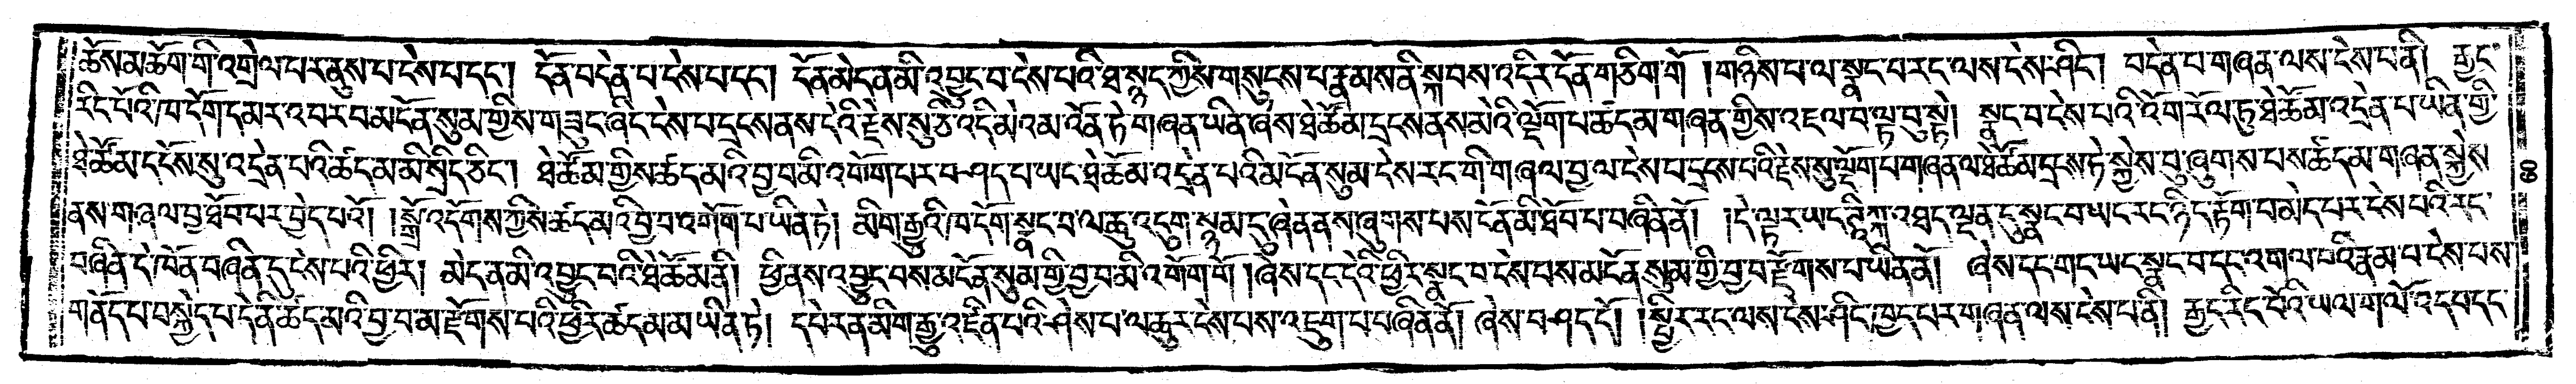ཆོས་མཆོག་གི་འགྲེལ་པར་ནུས་པ་ངེས་པ་དང་། དོན་བདེན་པ་ངེས་པ་དང་། དོན་མེད་ན་མི་འབྱུང་བ་ངེས་པའི་ཐ་སྙད་ཀྱིས་གསུངས་པ་རྣམས་ནི་སྐབས་འདིར་དོན་གཅིག་གོ །གཉིས་པ་ལ་སྣང་བ་རང་ལས་ངེས་ཤིང་། བདེན་པ་གཞན་ལས་ངེས་པ་ནི། རྒྱང་
རིང་པོའི་ཁ་དོག་དམར་འབར་བ་མངོན་སུམ་གྱིས་གཟུང་ཞིང་ངེས་པ་དྲངས་ནས་དེའི་རྗེས་སུ་ཅི་འདི་མེའམ་འོན་ཏེ་གཞན་ཡིན་ཞེས་ཐེ་ཚོམ་དྲངས་ནས་མེའི་ལྡོག་པ་ཚད་མ་གཞན་གྱིས་འཇལ་བ་ལྟ་བུ་སྟེ། སྣང་བ་ངེས་པའི་འོག་རོལ་ཏུ་ཐེ་ཚོམ་འདྲེན་པ་ཡིན་གྱི་
ཐེ་ཚོམ་དངོས་སུ་འདྲེན་པའི་ཚད་མ་མི་སྲིད་ཅིང་། ཐེ་ཚོམ་གྱིས་ཚད་མའི་བྱ་བ་མི་འགོག་པར་བཤད་པ་ཡང་ཐེ་ཚོམ་འདྲེན་པའི་མངོན་སུམ་ངེས་རང་གི་གཞལ་བྱ་ལ་ངེས་པ་དྲངས་པའི་རྗེས་སུ་ལྡོག་པ་གཞན་ལ་ཐེ་ཚོམ་དྲངས་ཏེ་སྐྱེས་བུ་ཞུགས་པས་ཚད་མ་གཞན་སྐྱེས་
ནས་གཞལ་བྱ་ཐོབ་པར་བྱེད་པའོ། །སྒྲོ་འདོགས་ཀྱིས་ཚད་མའི་བྱ་བ་འགོག་པ་ཡིན་ཏེ། མིག་རྒྱུའི་ཁ་དོག་སྣང་བ་ལ་ཆུ་འདུག་སྙམ་དུ་ཞེན་ནས་ཞུགས་པས་དོན་མི་ཐོབ་པ་བཞིན་ནོ། །དེ་ལྟར་ཡང་ཊཱིཀྐ་འཐད་ལྡན་དུ་སྣང་བ་ཡང་རང་ཉིད་རྟོག་པ་མེད་པར་ངེས་པའི་རང་
བཞིན་དེ་ཁོ་ན་བཞིན་དུ་ངེས་པའི་ཕྱིར། མེད་ན་མི་འབྱུང་བའི་ཐེ་ཚོམ་ནི། ཕྱི་ནས་འབྱུང་བས་མངོན་སུམ་གྱི་བྱ་བ་མི་འགོག་གོ །ཞེས་དང་དེའི་ཕྱིར་སྣང་བ་ངེས་པས་མངོན་སུམ་གྱི་བྱ་བ་རྫོགས་པ་ཡིན་ནོ། ཞེས་དང་གང་ཡང་སྣང་བ་དང་འགལ་བའི་རྣམ་པ་ངེས་པས་
གནོད་པ་བསྐྱེད་པ་དེ་ནི་ཚད་མའི་བྱ་བ་མ་རྫོགས་པའི་ཕྱིར་ཚད་མ་མ་ཡིན་ཏེ། དཔེར་ན་མིག་རྒྱུ་འཛིན་པའི་ཤེས་པ་ལ་ཆུར་ངེས་པས་འཇུག་པ་བཞིན་ནོ། ཞེས་བཤད་དོ། །སྤྱིར་རང་ལས་ངེས་ཤིང་ཁྱད་པར་གཞན་ལས་ངེས་པ་ནི། རྒྱང་རིང་པོའི་ཡལ་ག་ལོ་འདབ་དང་